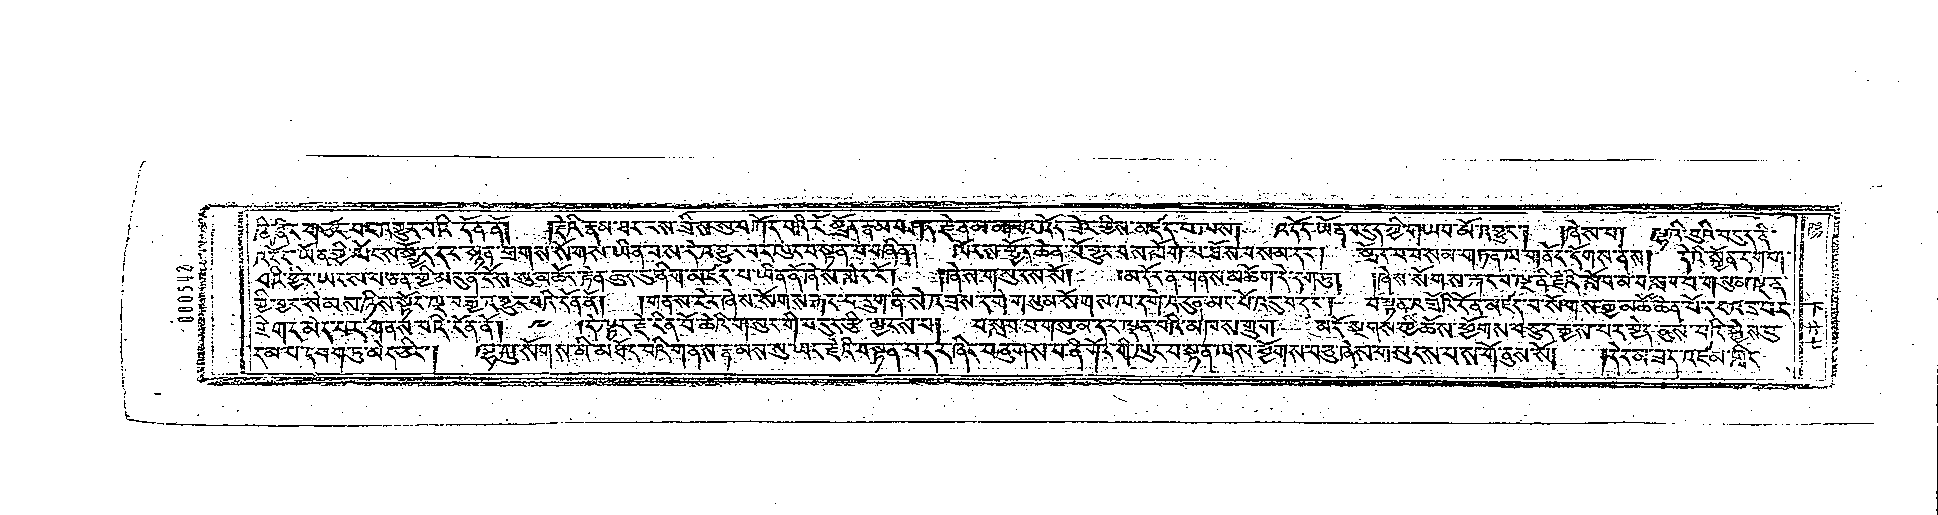ཞི་ཞིང་གཙང་བར་འགྱུར་བའི་དོན་ནོ། །རྗེའི་རྣམ་ཐར་ངས་བྲིས་སུ་བཀོད་པའི་ངོ་སྤྲོད་རྣམ་བཤད་རྗེ་ནམ་མཁའ་འོད་ཟེར་གྱིས་མཛད་པ་ལས། འདོད་ཡོན་བདུད་ཀྱི་གཡབ་མོ་འབྱུང་། །ཞེས་པ། ལྷའི་བུའི་བདུད་ནི་
འདོད་ཡོན་གྱི་ལོངས་སྤྱོད་དང་སྙན་གྲགས་སོགས་ཡིན་པས་དེ་འབྱུང་བར་ལུང་བསྟན་བ་བཞིན། ལོངས་སྤྱོད་ཆེན་པོ་བྱུང་བས་ཀློག་པ་ཐོས་བསམ་དང་། སྤོང་བ་བསམ་གཏན་ལ་གནོད་དོགས་ནས། དེའི་སྐྱོན་དག།
བའི་ཕྱིར་ཡངས་པ་ཅན་གྱི་མདུན་ངོས་སུ་མཆོད་རྟེན་ཆུང་དུ་ཞིག་མཛད་པ་ཡིན་ནོ་ཞེས་གླེང་ངོ། །ཞེས་གསུངས་སོ། །མདོར་ན་གནས་མཆོག་དེ་དག་ཏུ། །ཞེས་སོགས་རྐང་པ་ལྔ་ནི་རྗེའི་སློབ་མ་བསླབ་པ་གསུམ་ལྡན་
གྱི་བྱང་སེམས་ཉིས་སྟོང་ལྔ་བརྒྱ་འབྱུང་བའི་དོན་ནོ། །གནས་དེར་ཞེས་སོགས་རྐང་པ་དྲུག་ནི་སེ་འབྲས་དགེ་གསུམ་སོགས་ལ་དགེ་འདུན་མང་པོ་འདུ་བ་དང་། བསྟན་འགྲོའི་དོན་མཛད་པ་སོགས་རྒྱ་མཚོ་ཆེན་པོ་དང་འདྲ་པར་
བྲི་གང་མེད་པར་གནས་པའི་དོན་ནོ། ༧་།དེ་ལྟར་རྗེ་རིན་པོ་ཆེའི་གསུང་གི་བདུད་རྩི་མྱངས་པ། བསླབ་པ་གསུམ་དང་ལྡན་པའི་མཁས་གྲུབ། མདོ་སྔགས་ཀྱི་ཆོས་ཕྱོགས་བཅུར་རྒྱས་པར་བྱེད་ནུས་པའི་སྐྱེས་བུ་
དམ་པ་དཔག་ཏུ་མེད་ཅིང་། ལྷ་གླུ་སོགས་མི་མཐོང་བའི་གནས་རྣམས་སུ་ཡང་རྗེའི་བསྟན་བ་དར་ཞིང་བཞུགས་པ་ནི་གོང་གི་ལུང་བསྟན་ལས་ཕྱོགས་བཅུ་ཞེས་གསུངས་པས་གོ་ནུས་སོ། །དེར་མ་ཟད་འཛམ་གླིང་